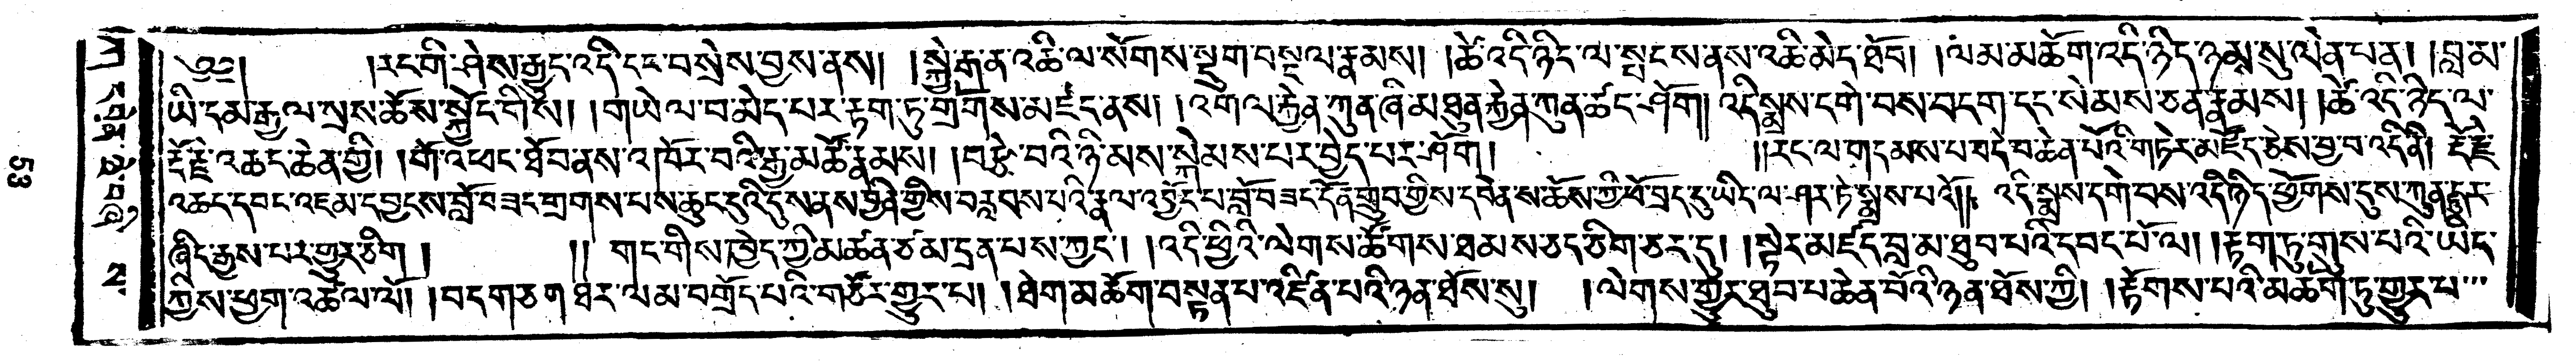༄༅། །རང་གི་ཤེས་རྒྱུད་འདི་དང་བསྲེས་བྱས་ནས། །སྐྱེ་རྒ་ན་འཆི་ལ་སོགས་སྡུག་བསྔལ་རྣམས། །ཚེ་འདི་ཉིད་ལ་སྤངས་ནས་འཆི་མེད་ཐོབ། །ལམ་མཆོག་འདི་ཉིད་ཉམས་སུ་ལེན་པ་ན། །བླ་མ་
ཡི་དམ་རྒྱལ་སྲས་ཆོས་སྐྱོང་གིས། །གཡེལ་བ་མེད་པར་རྟག་ཏུ་གྲོགས་མཛད་ནས། །འགལ་རྐྱེན་ཀུན་ཞི་མཐུན་རྐྱེན་ཀུན་ཚང་ཤོག། འདི་སྨྲས་དགེ་བས་བདག་དང་སེམས་ཅན་རྣམས། །ཚེ་འདི་ཉིད་ལ་
རྡོ་རྗེ་འཆད་ཆེན་གྱི། །གོ་འཕང་ཐོབ་ནས་འཁོར་བའི་རྒྱ་མཚོ་རྣམས། །བརྩེ་བའི་ཉི་མས་སྐེམས་པར་བྱེད་པར་ཤོག། །།རང་ལ་གདམས་པ་བདེ་བ་ཆེན་པོའི་གཏེར་མཛོད་ཅེས་བྱ་བ་འདི་ནི། རྡོ་རྗེ་
འཆད་དབང་འཇམ་དབྱངས་བློ་བཟང་གྲགས་པས་ཆུང་དུའི་དུས་ནས་བྱིན་གྱིས་བརླབས་པའི་རྣལ་འབྱོར་པ་བློ་བཟང་དོན་གྲུབ་གྱིས་དབེན་ས་ཆོས་ཀྱི་ཕོ་བྲང་དུ་ཡིད་ལ་ཤར་ཏེ་སྨྲས་པའོ།། འདི་སྨྲས་དགེ་བས་འདི་ཉིད་ཕྱོགས་དུས་ཀུན་ཏུ་དར་
ཞིང་རྒྱས་པར་གྱུར་ཅིག། །།གང་གིས་ཁྱེད་ཀྱི་མཚན་ཙམ་དྲན་པས་ཀྱང་། །འདི་ཕྱིའི་ལེགས་ཚོགས་ཐམས་ཅད་ཅིག་ཅར་དུ། །སྟེར་མཛད་བླ་མ་ཐུབ་པའི་དབང་པོ་ལ། །རྟག་ཏུ་གུས་པའི་ཡིད་
ཀྱིས་ཕྱག་འཚལ་ལོ། །བདག་ཅག་ཐར་ལམ་བགྲོད་པའི་གཙོར་གྱུར་པ། །ཐེག་མཆོག་བསྟན་པ་འཛིན་པའི་ཉན་ཐོས་སུ། །ལེགས་གྱུར་ཐུབ་པ་ཆེན་བོའི་ཉན་ཐོས་ཀྱི། །རྟོགས་པའི་མཆོག་ཏུ་གྱུར་པ་